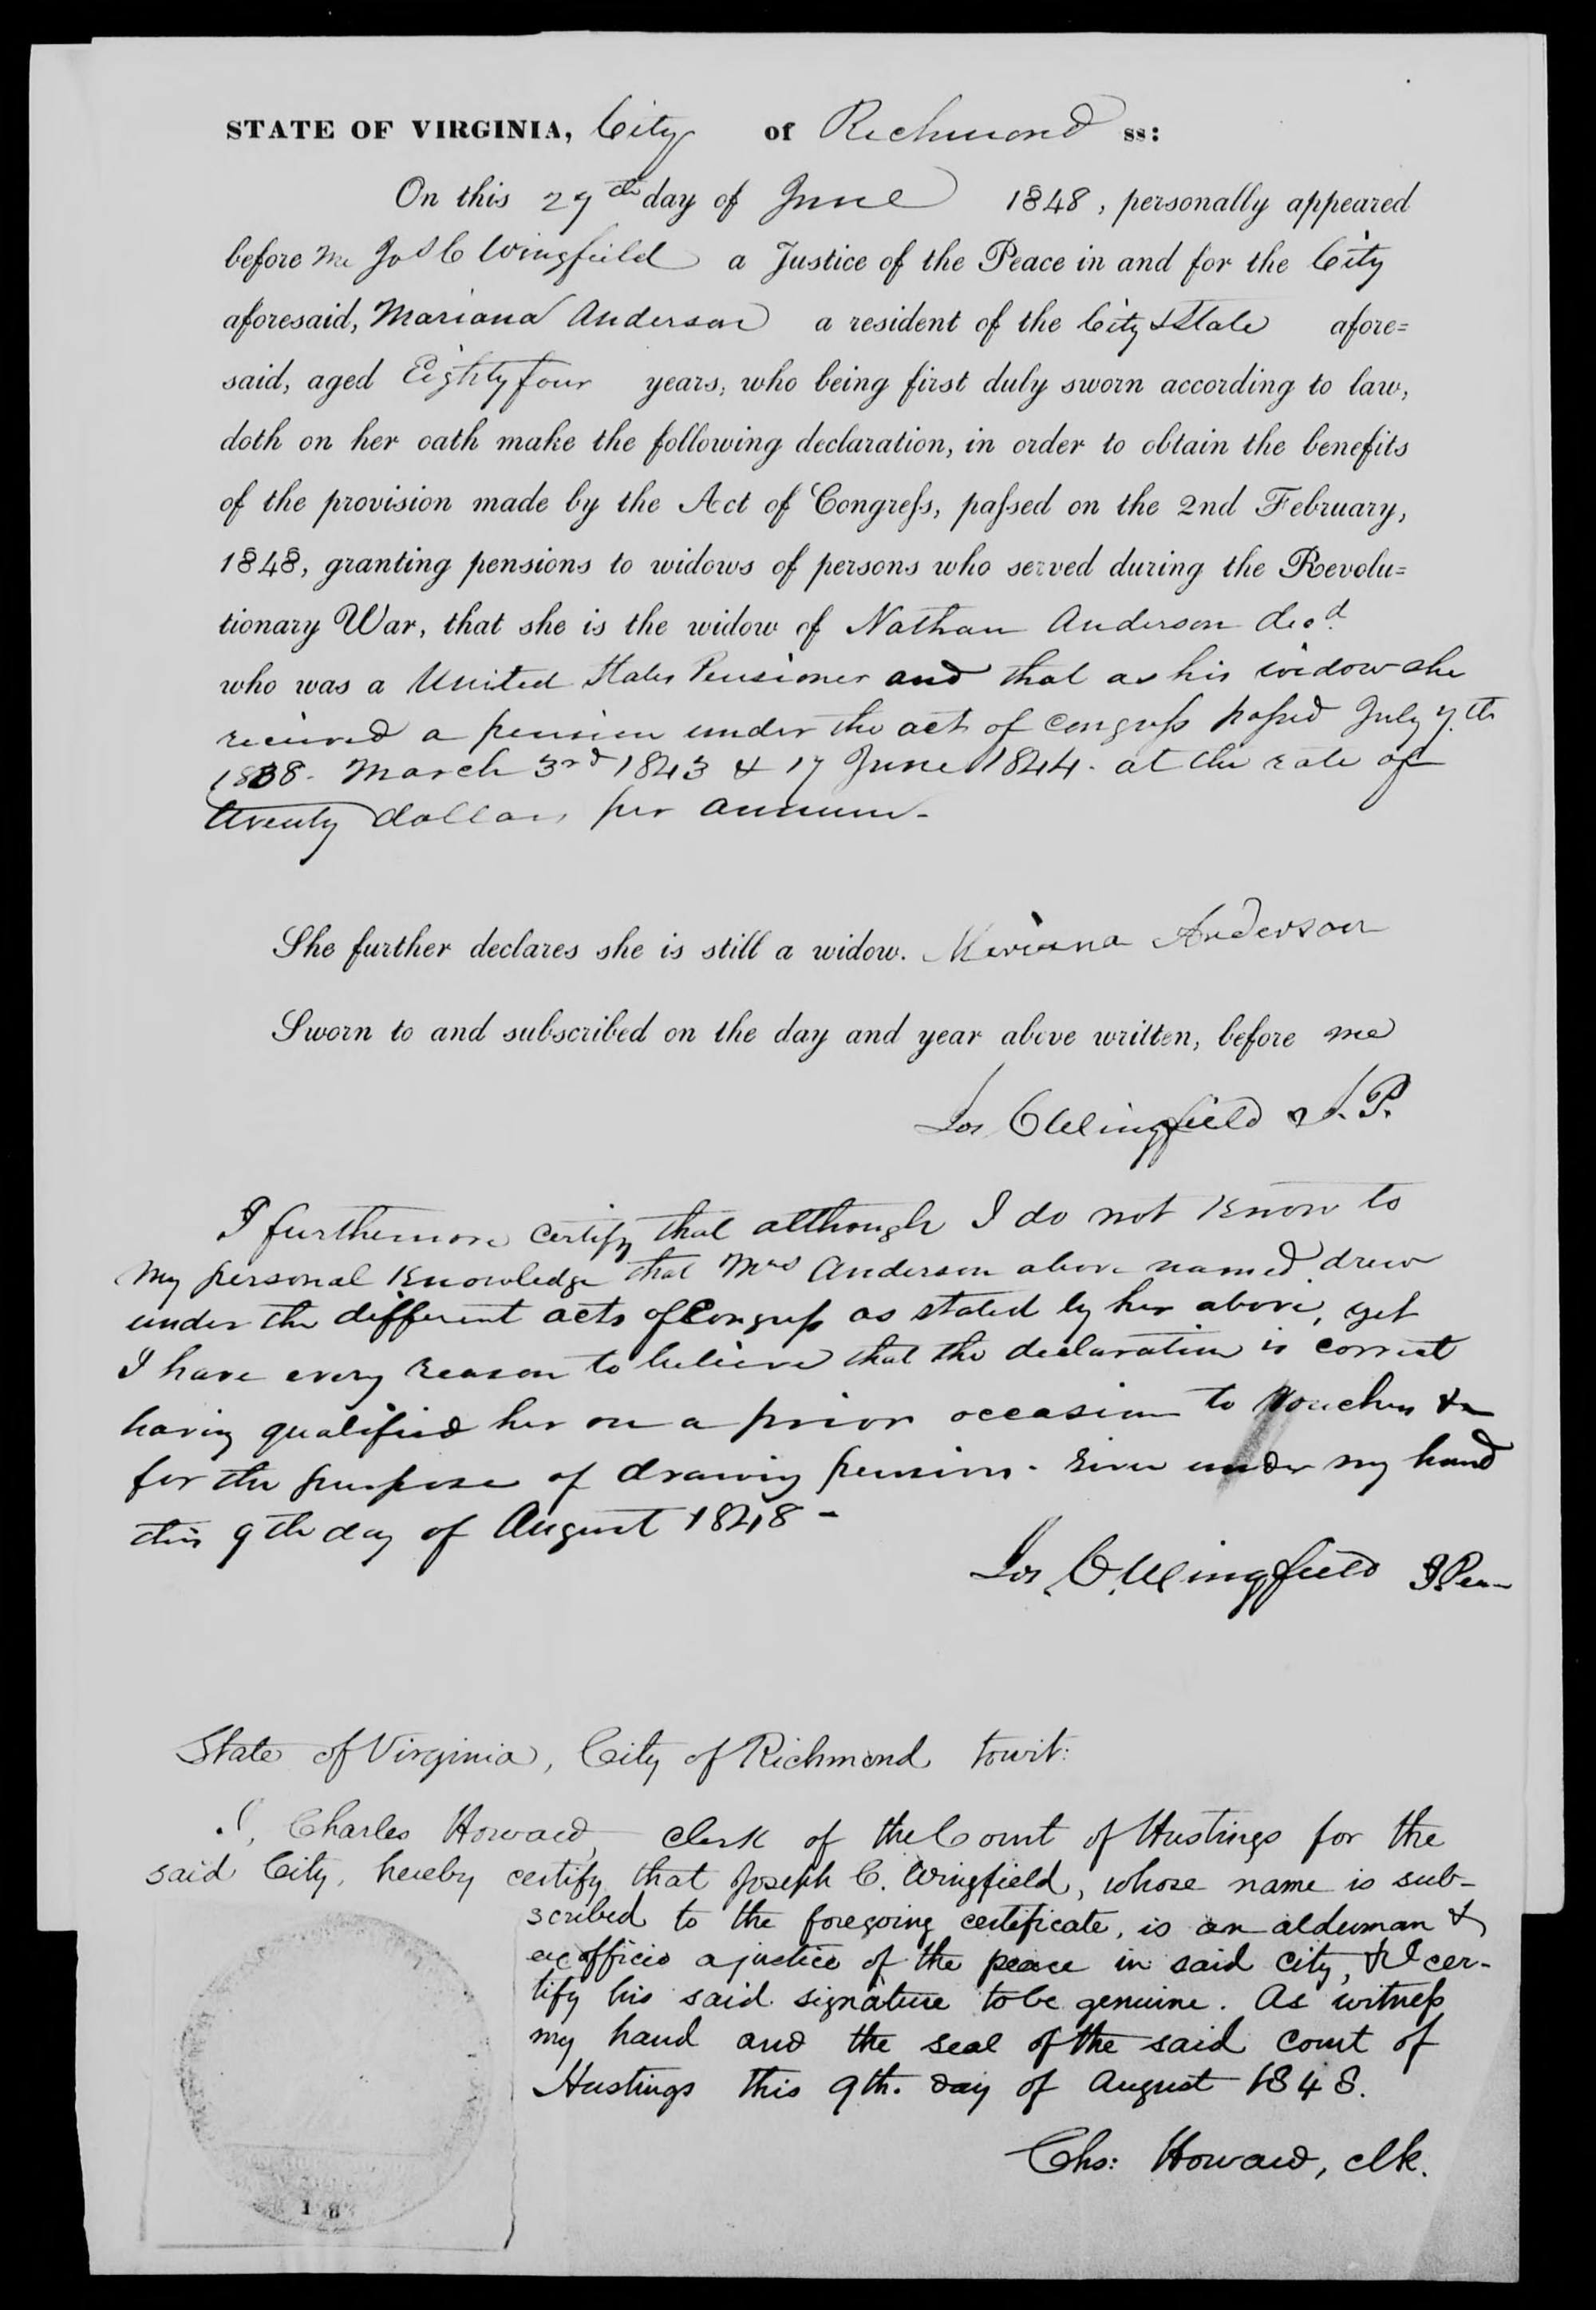STATE OF VIRGINIA, City of Richmond SS:
On this 27th day of June 1848, personally appeared before me Jos C Wingfield a Justice of the Peace in and for the City aforesaid, Mariana Anderson a resident of the City & State aforesaid, aged Eighty four years; who being first duly sworn according to law, doth on her oath make the following declaration, in order to obtain the benefits of the provision made by the Act of Congress, passed on the 2nd February, 1848, granting pensions to widows of persons who served during the Revolutionary War, that she is the widow of Nathan Anderson decd. who was a United States Pensioner and that as his widow she received a pension under the act of Congress passed July 7th 1838 March 3rd 1843 & 17 June 1844 at the rate of twenty dollars per annum.
She further declares she is still a widow. Mariana Anderson
Sworn to and subscribed on the day and year above written, before me
Jos C Wingfield J.P.
I furthermore certify that although I do not know to my personal knowledge that Mrs. Anderson above named drew under the different acts of Congress as stated by her above, yet I have every reason to believe that the declaration is correct having qualified her on a prior occasion to vouchers &c for the purpose of drawing pensions - Given under my hand this 9th day of August 1848-
Jos C. Wingfield J. Peace

State of Virginia, City of Richmond towit:
I, Charles Howard, Clerk of the Court of Hastings for the said City, hereby certify that Joseph C. Wingfield, whose name is subscribed to the foregoing certificate, is an alderman & ex officio a justice of the peace in said city, & I certify his said signature to be genuine. As witness my hand and the seal of the said Court of Hastings this 9th day of August 1848.
Chs: Howard, clk.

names: Jos C Wingfield, Jos C Wingfield, Nathan Anderson, Jos C Wingfield, Mariana Anderson, Anderson, Charles Howard, Chs Howard, Joseph C Wingfield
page: 30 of 43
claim: widow's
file: W. 5,626, Nathan Anderson, Va.